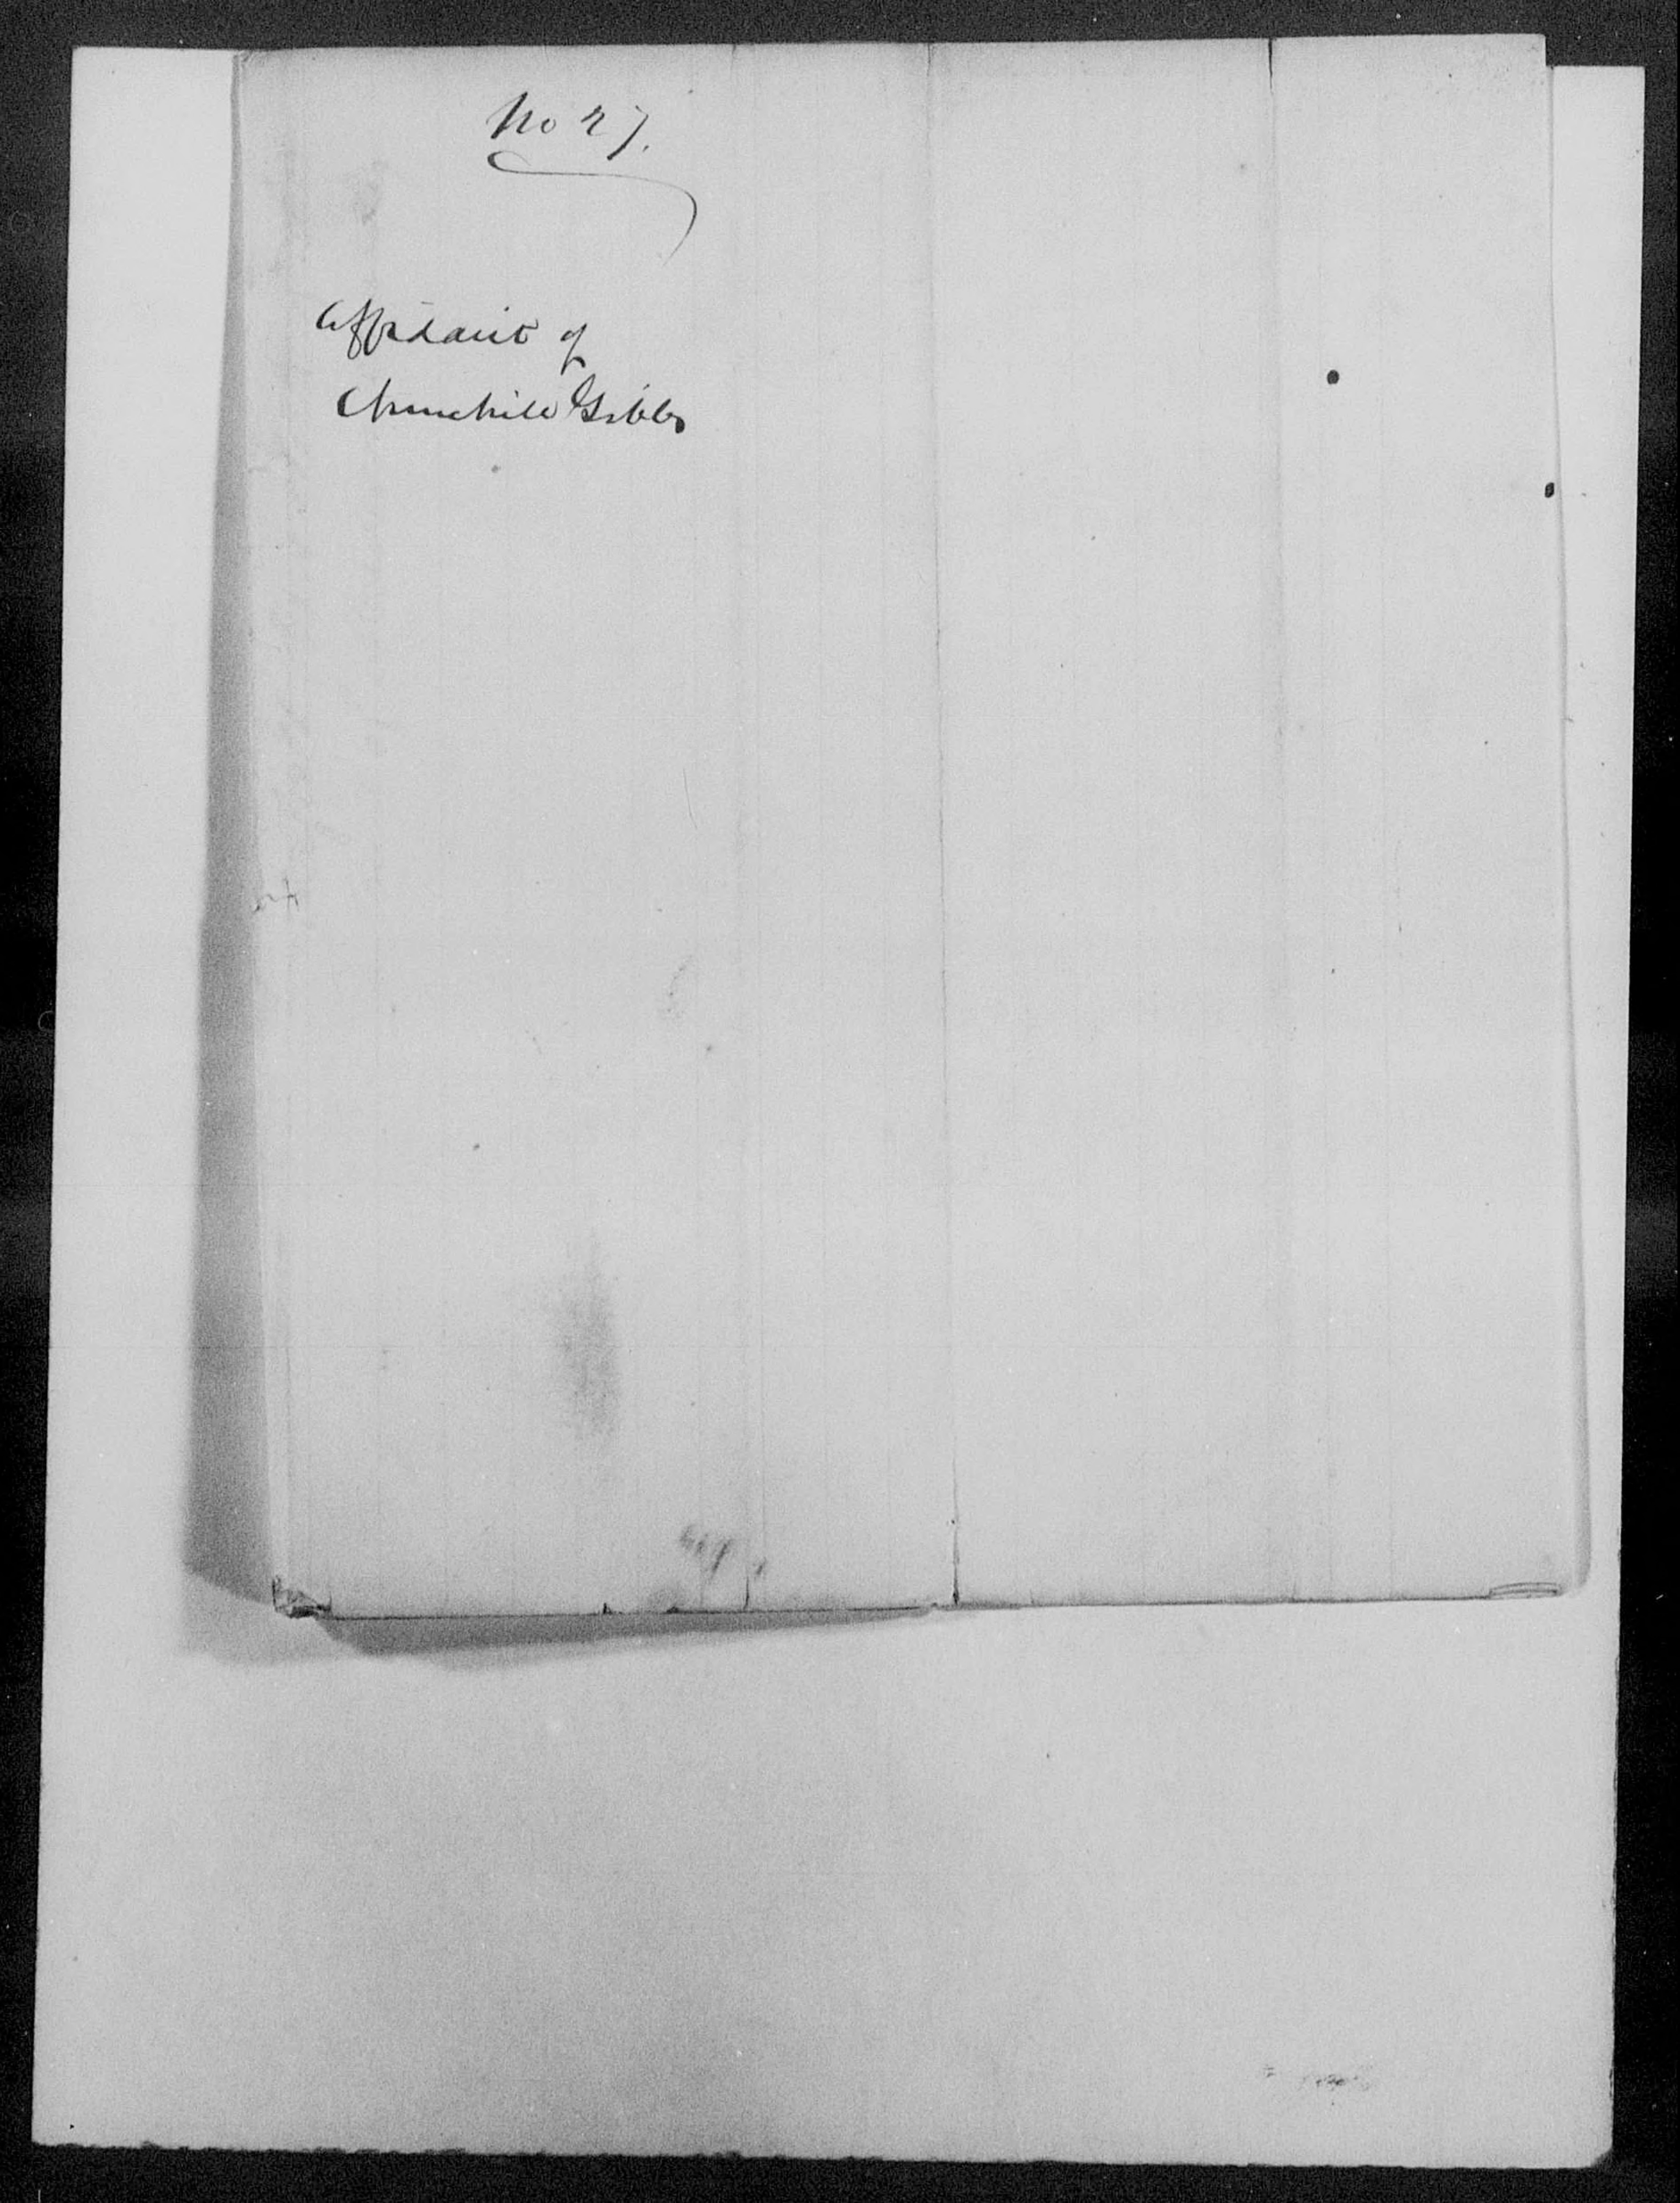No 27.
Affadavit of 
Churchill Gibbs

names: Churchill Gibbs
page: 195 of 267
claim: widow's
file: W. 4,149, William Campbell, Va.